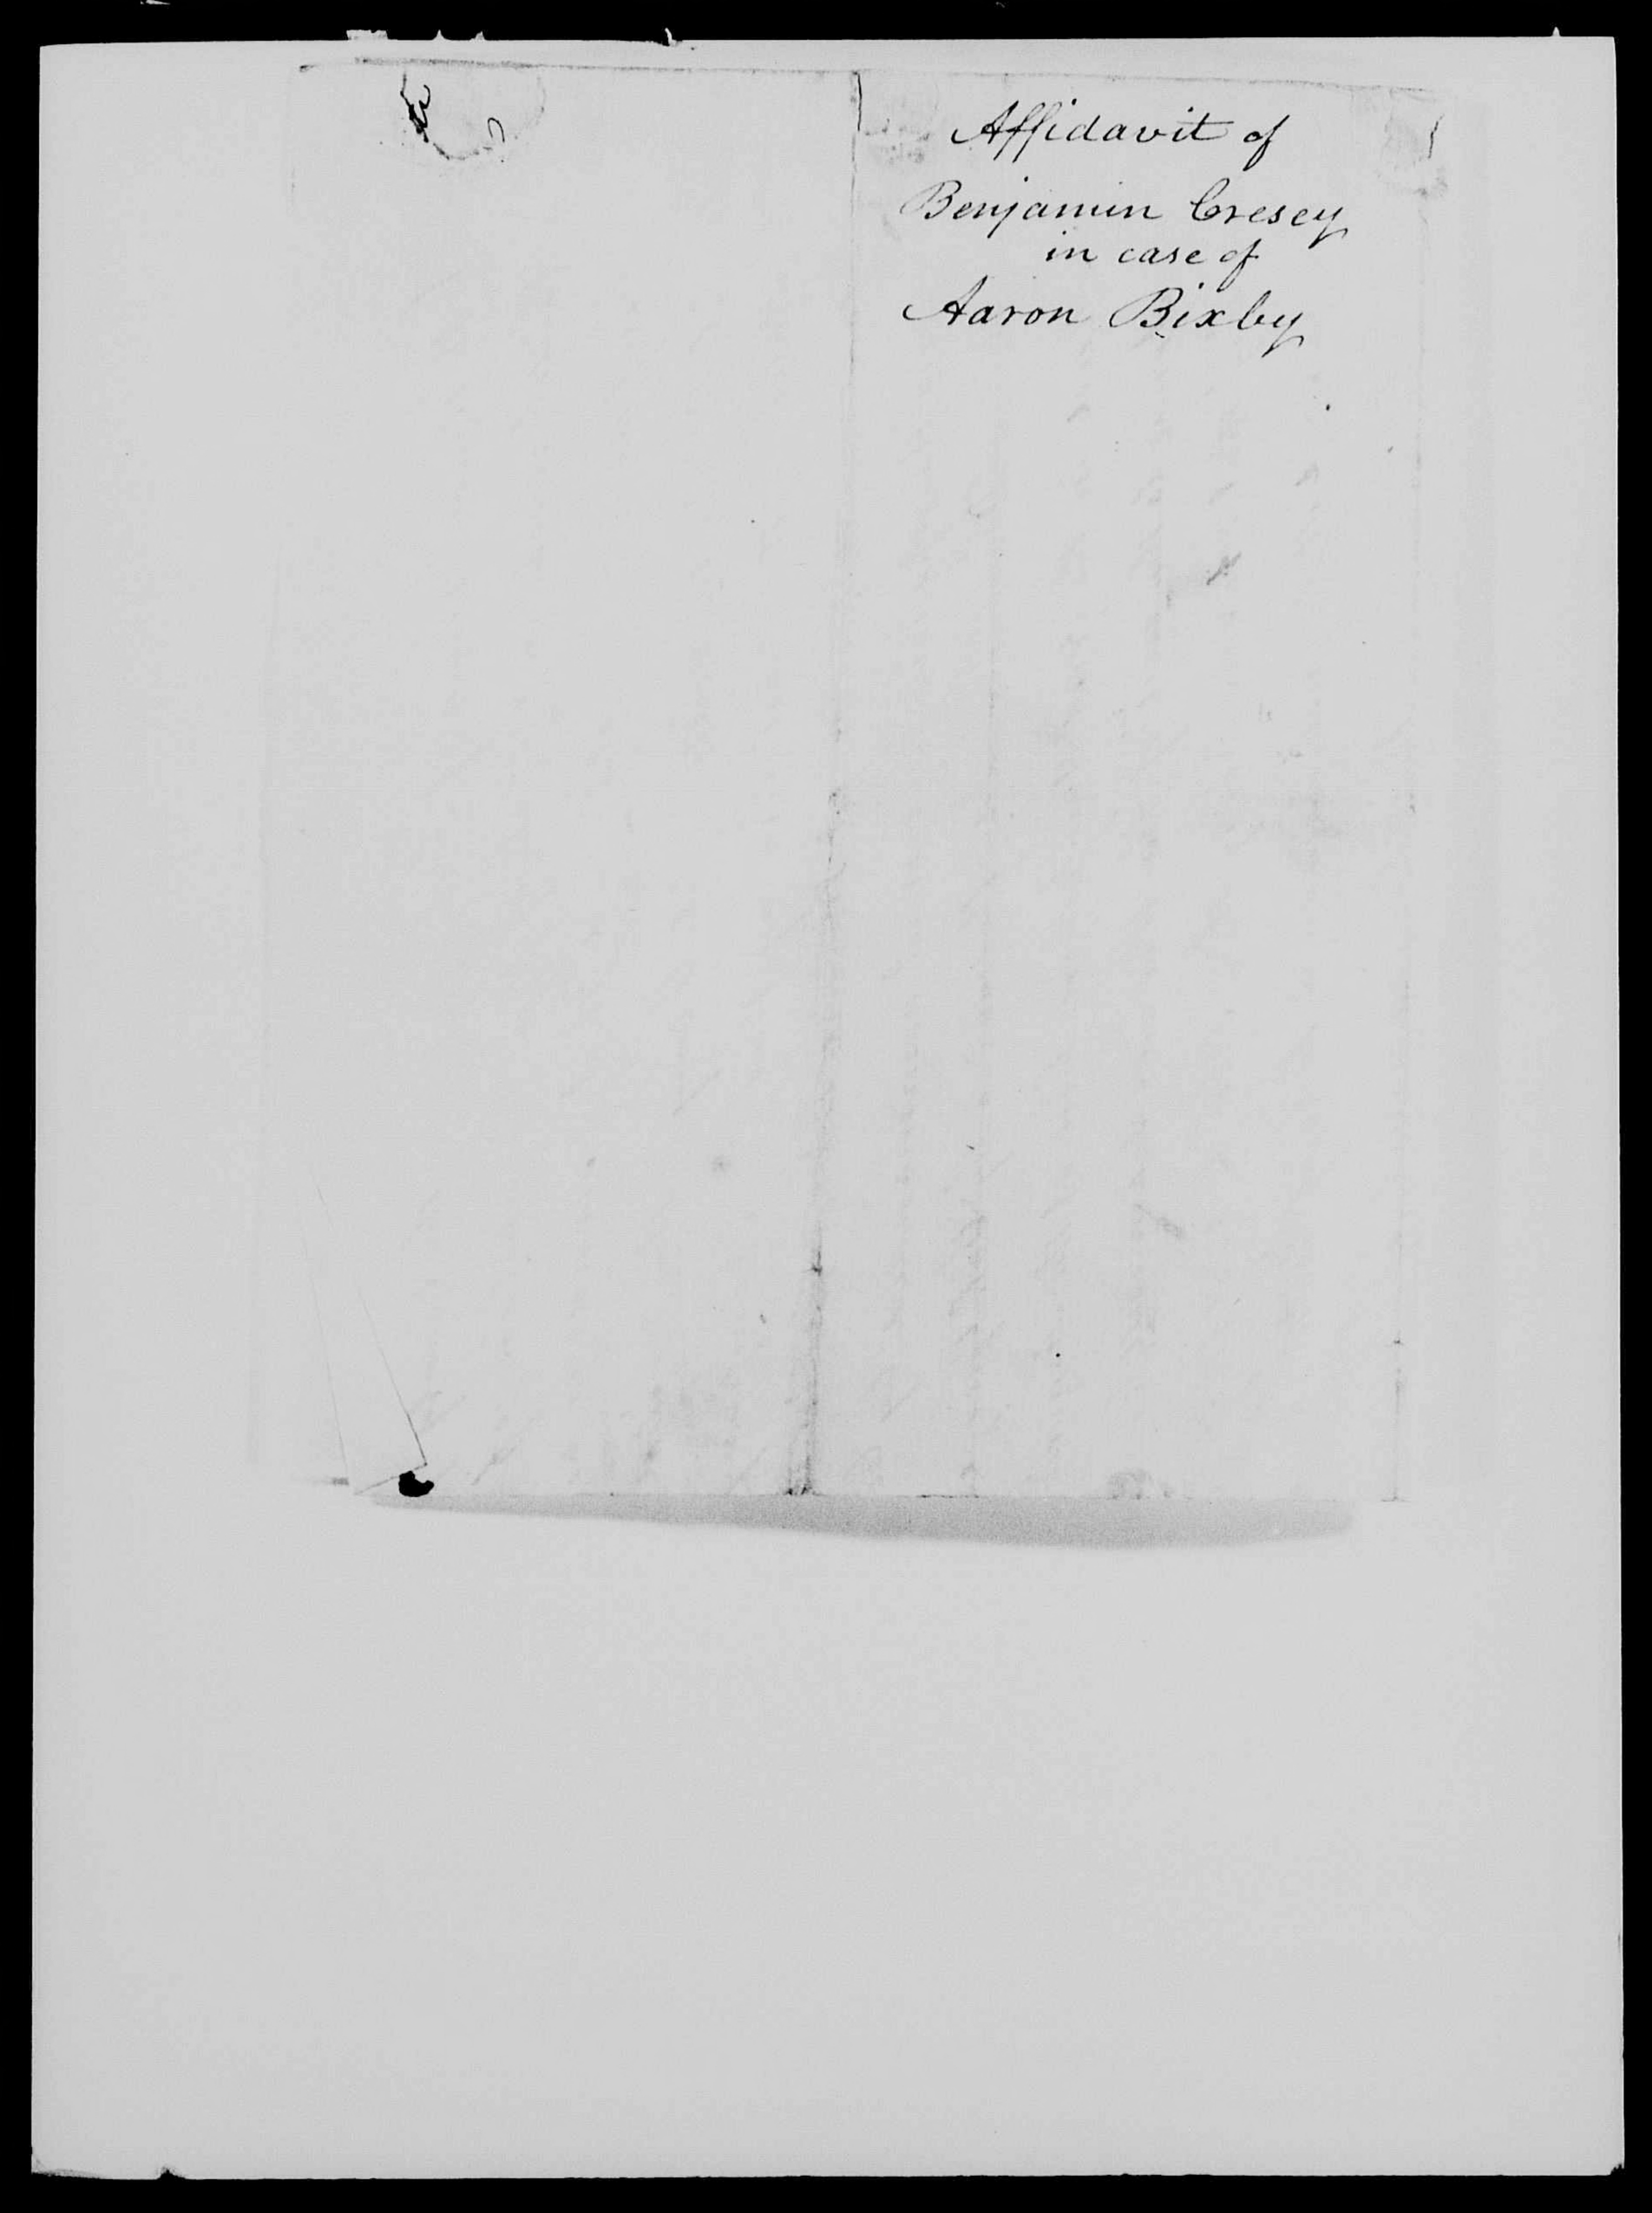Affidavit of 
Benjamin Cresey 
in case of 
Aaron Bixby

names: Benjamin Cresey, Aaron Bixby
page: 13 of 17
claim: survivor's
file: S 41436, Aaron Bixby, N.H.